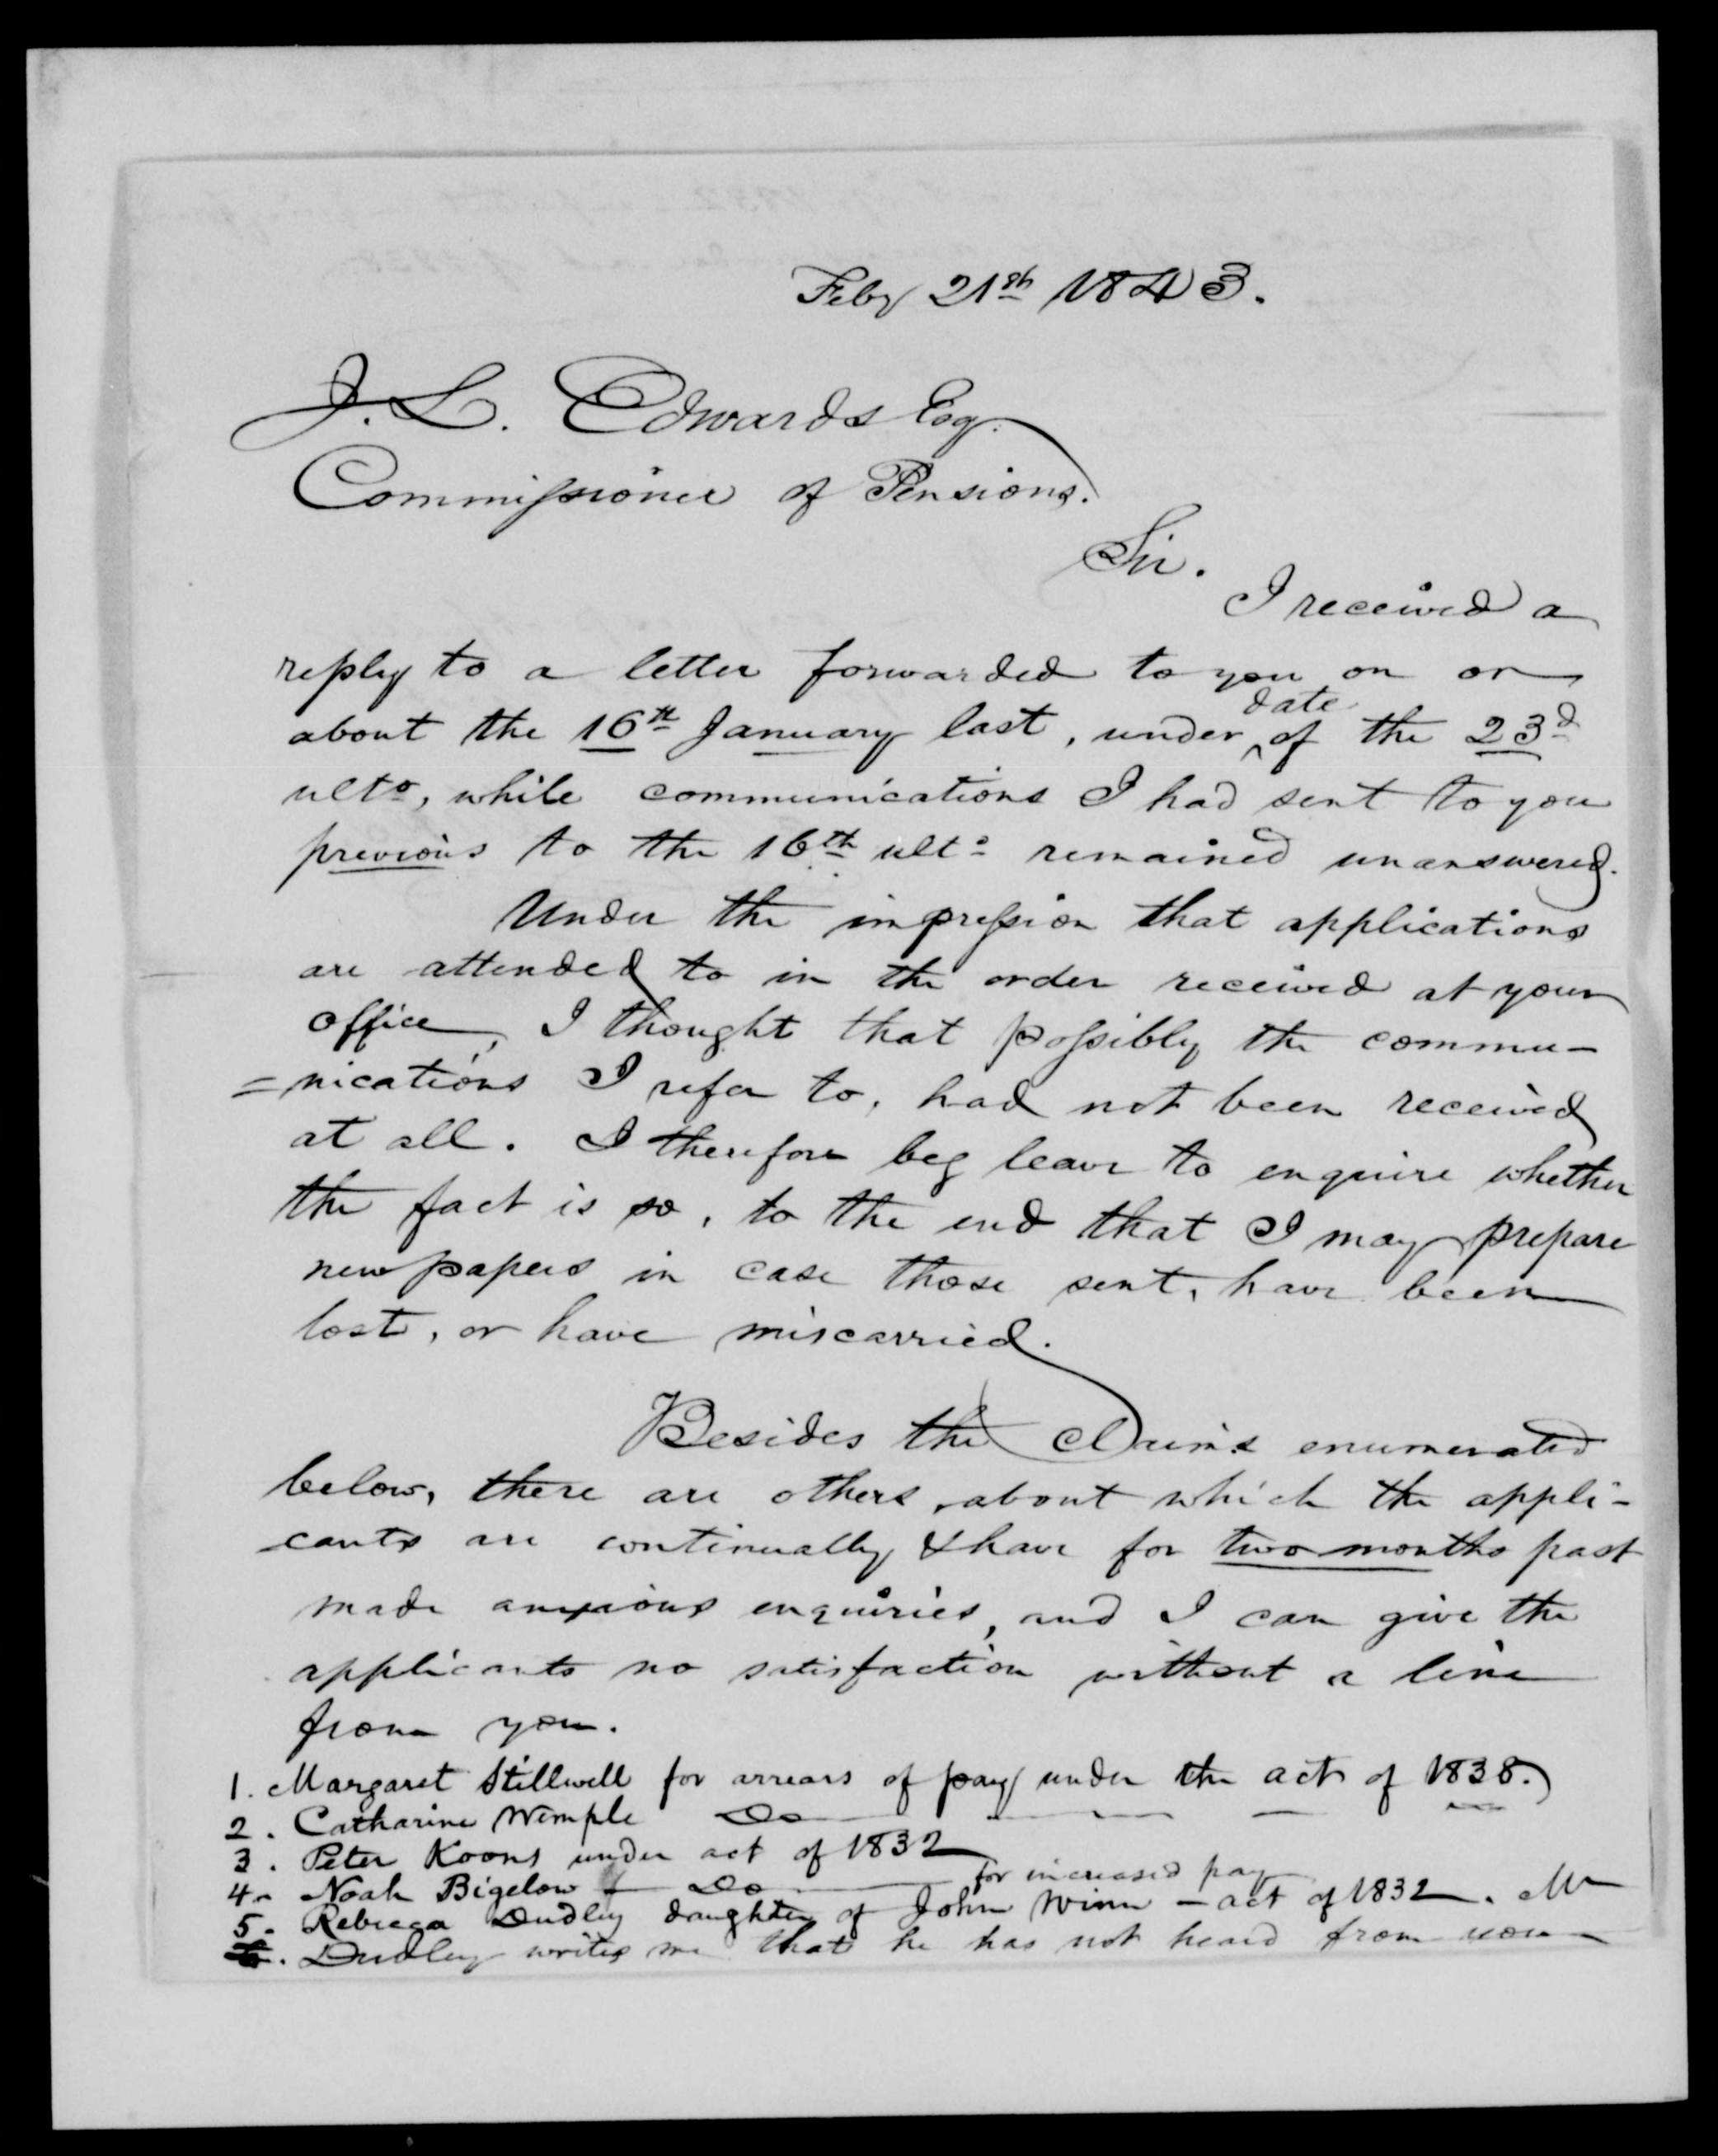Feby 21st 1843.
J. L. Edwards Esq.
Commissioner of Pensions.

Sir.
I received a reply to a letter forwarded to you on or date
about the 16th January last, under date of the 
23d ulto, while communications I had sent to you
previous to the 16th ulto remained unanswered.
Under the impression that applications
are attended to in the order received at your
office, I thought that possibly the communications I refer to, had not been received
at all. I therefore beg leave to enquire whether
the fact is so, to the end that I may prepare
new papers in case these sent, have been
lost, or have miscarried.
Besides the claims enumerated
below, there are others about which the applicants are continually & have for two months past
made anxious enquiries, and I can give the
applicants no satisfaction without a line
from you.
1. Margaret Stillwell for arrears of pay under the act of 1838.
2. Catharine Wemple  Do-------------------
3. Peter Koons under act of 1832
4. Noah Bigelow--- Do---- for increased pay 
5. Rebeca Dudley daughter of John Winn - act of 1832.
 W Dudley writes me that he has not heard from you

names: Catharine Wemple, John Winn, Margaret Stillwell, Dudley, Rebecca Dudley, J L Edwards, Peter Koons, Noah Bigelow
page: 24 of 51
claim: widow's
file: W. 19604, Myndert B Wemple, New York